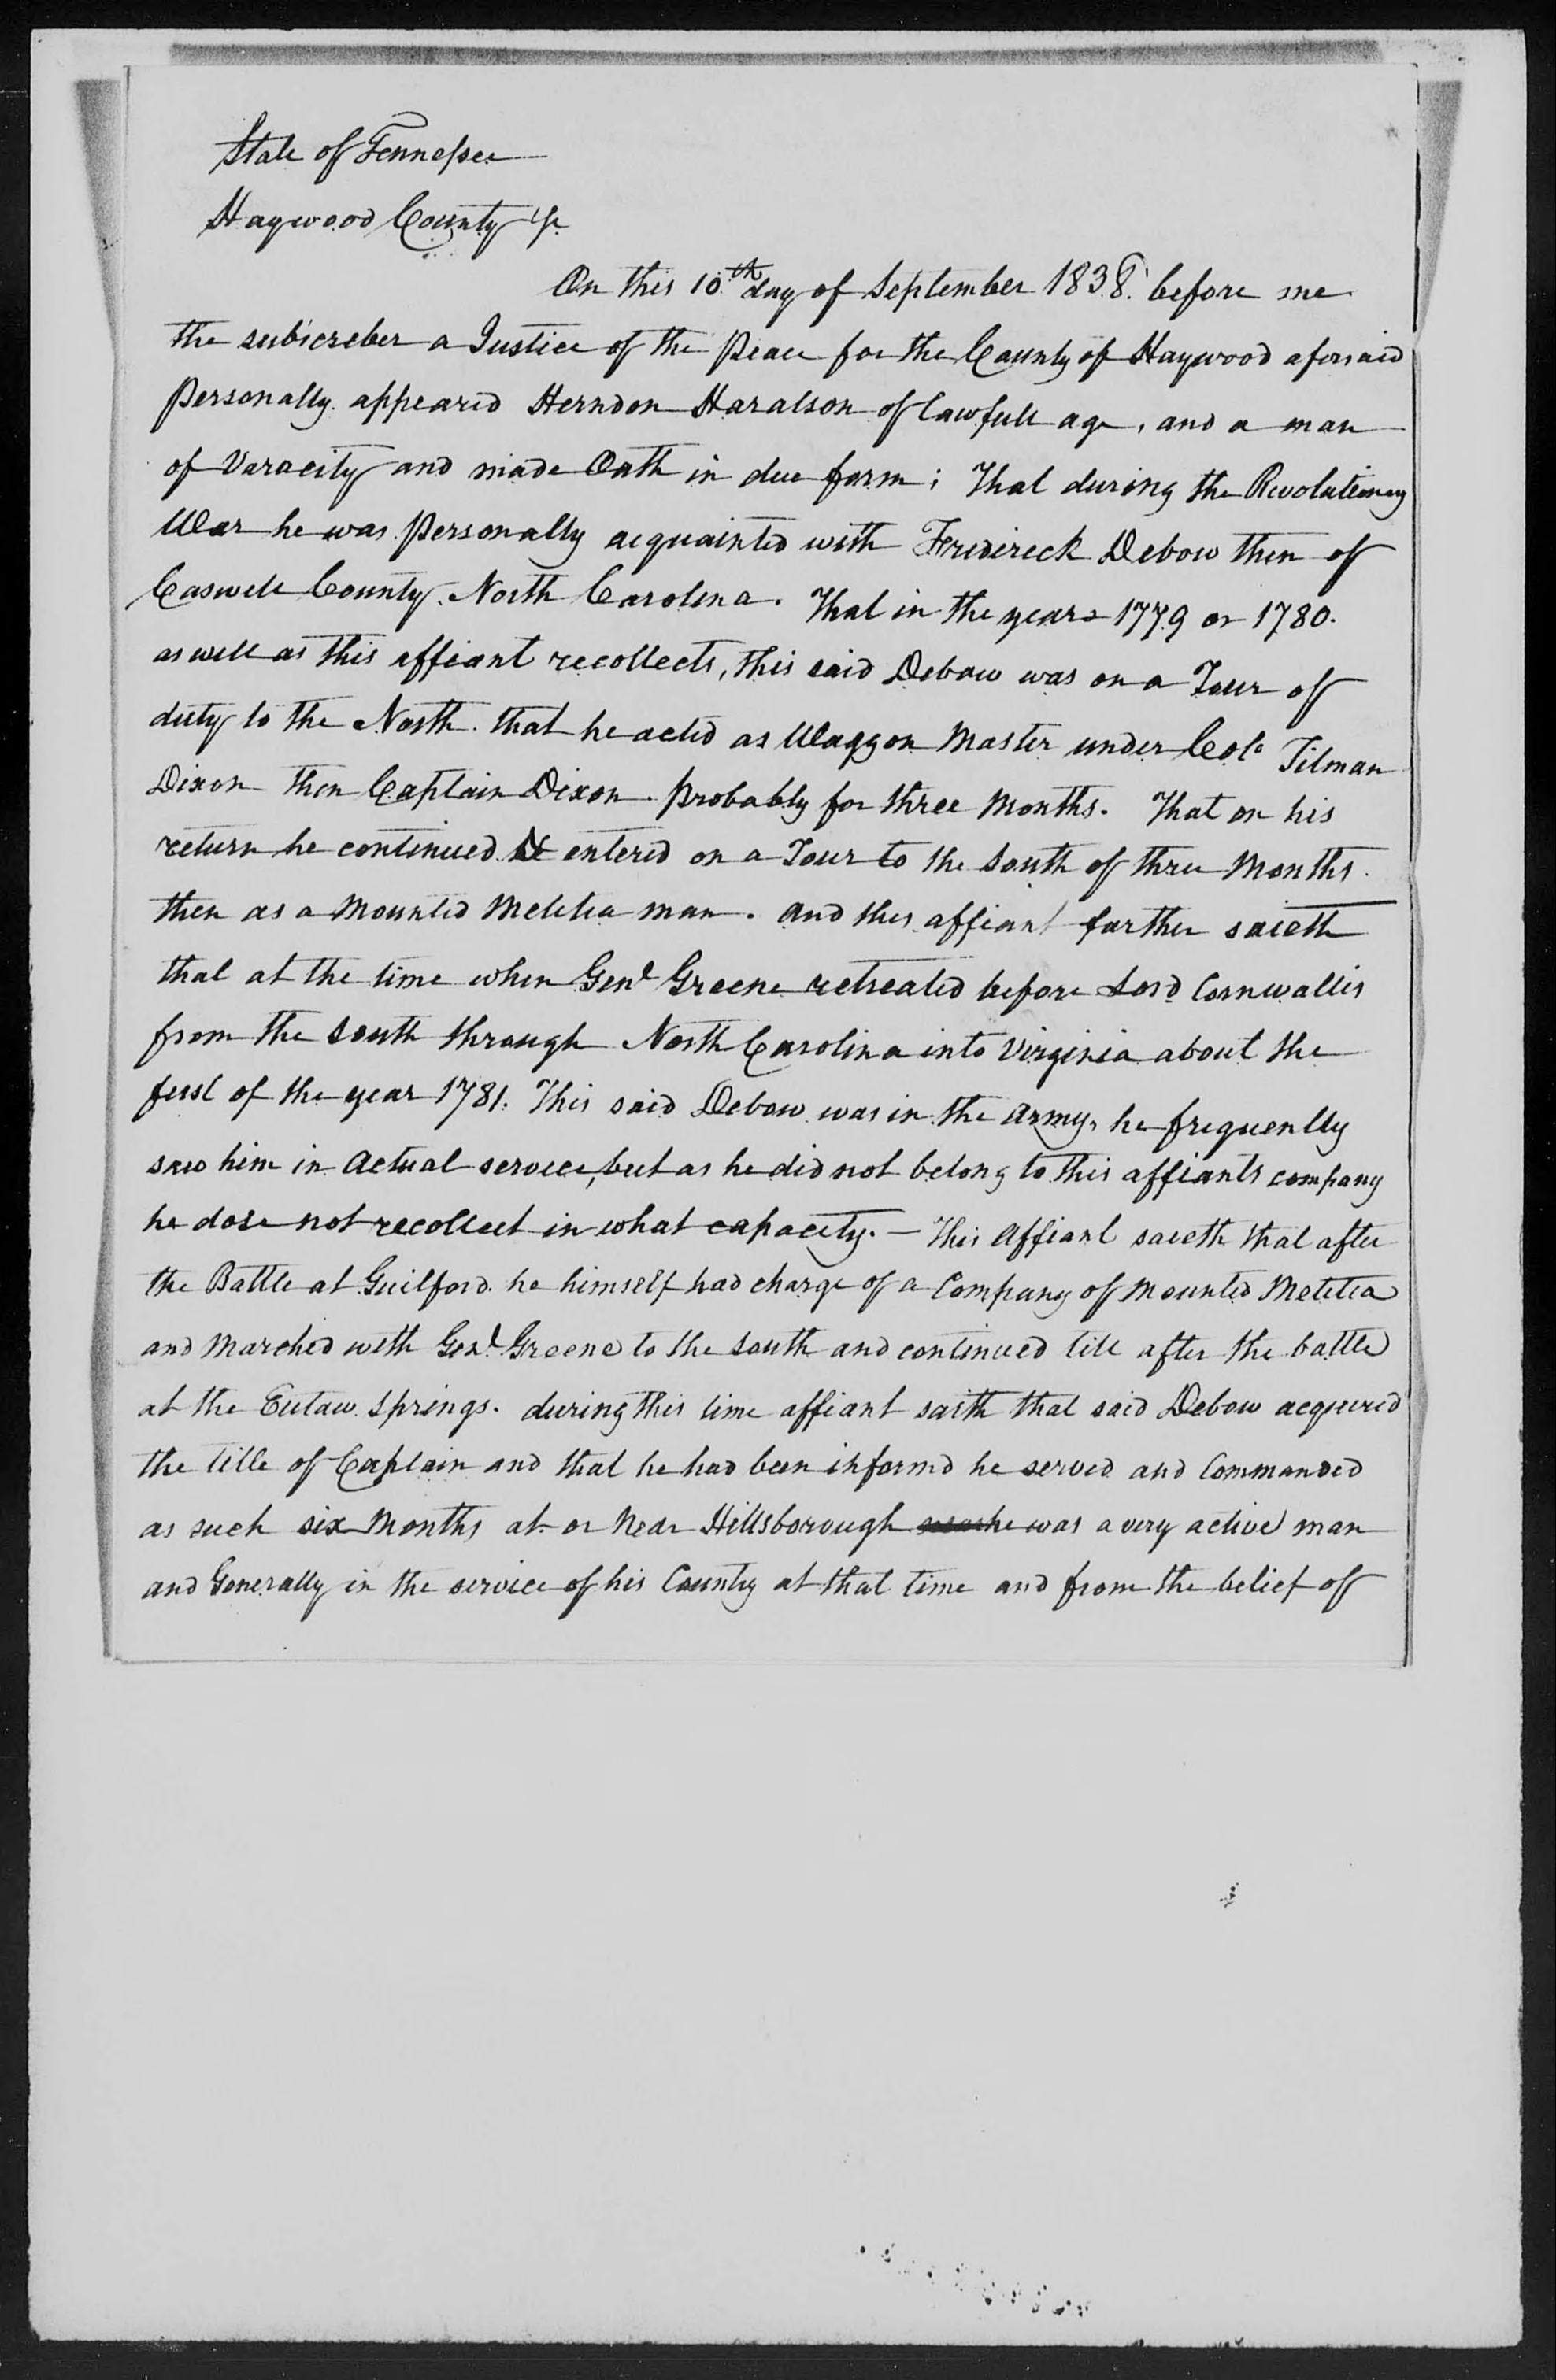State of Tennessee
Haywood County [illegible]
On 10th day of September 1838 before me the subscriber a Justice of the Peace for the County of Haywood aforesaid of Veracity and made oath in due form; that durint the Revolutionary War he was personally acquainted with Frederick Debow then of Caswell County, North Carolina. That in the years 1779 or 1780. As well as this affiant recollects this said Debow was on a tour of duty to the North that headed as Waggon Master under Captain Tilman Dixon then Captain Dixon probably for three months. That on his return he continued [struck through] entered on a tour to the South of three months then as a Mounted Milita man and this official further saieth that at this time when General Greene retreated before Lord Cornwallis from the south through Norh Carolina in to Virginia about the first of the year 181This said Debow was in the army, he frequently saw him in actual service, but as he did not belong to this affiants company he does not recollect in what capacity. – This official saieth that after the Battle at Guilford he himself had charge of a company of Mounted Militia and marched with General Greene to the south and continued till after the battle at the Eutaw Springs during this time affiant saith that said Debow required the title of Captain and that he has been informed he served and commanded as such six months at or near Hillsborough [word struck through] was a very active man and generally in the service of his country at that time and from the belief of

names: Debow, Frederick Debow, Herndon Haralson, Greene, Debow, Tilman Dixon, Greene, Dixon, Debow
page: 47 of 62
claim: widow's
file: W 7005, Frederick Debow, N.C.